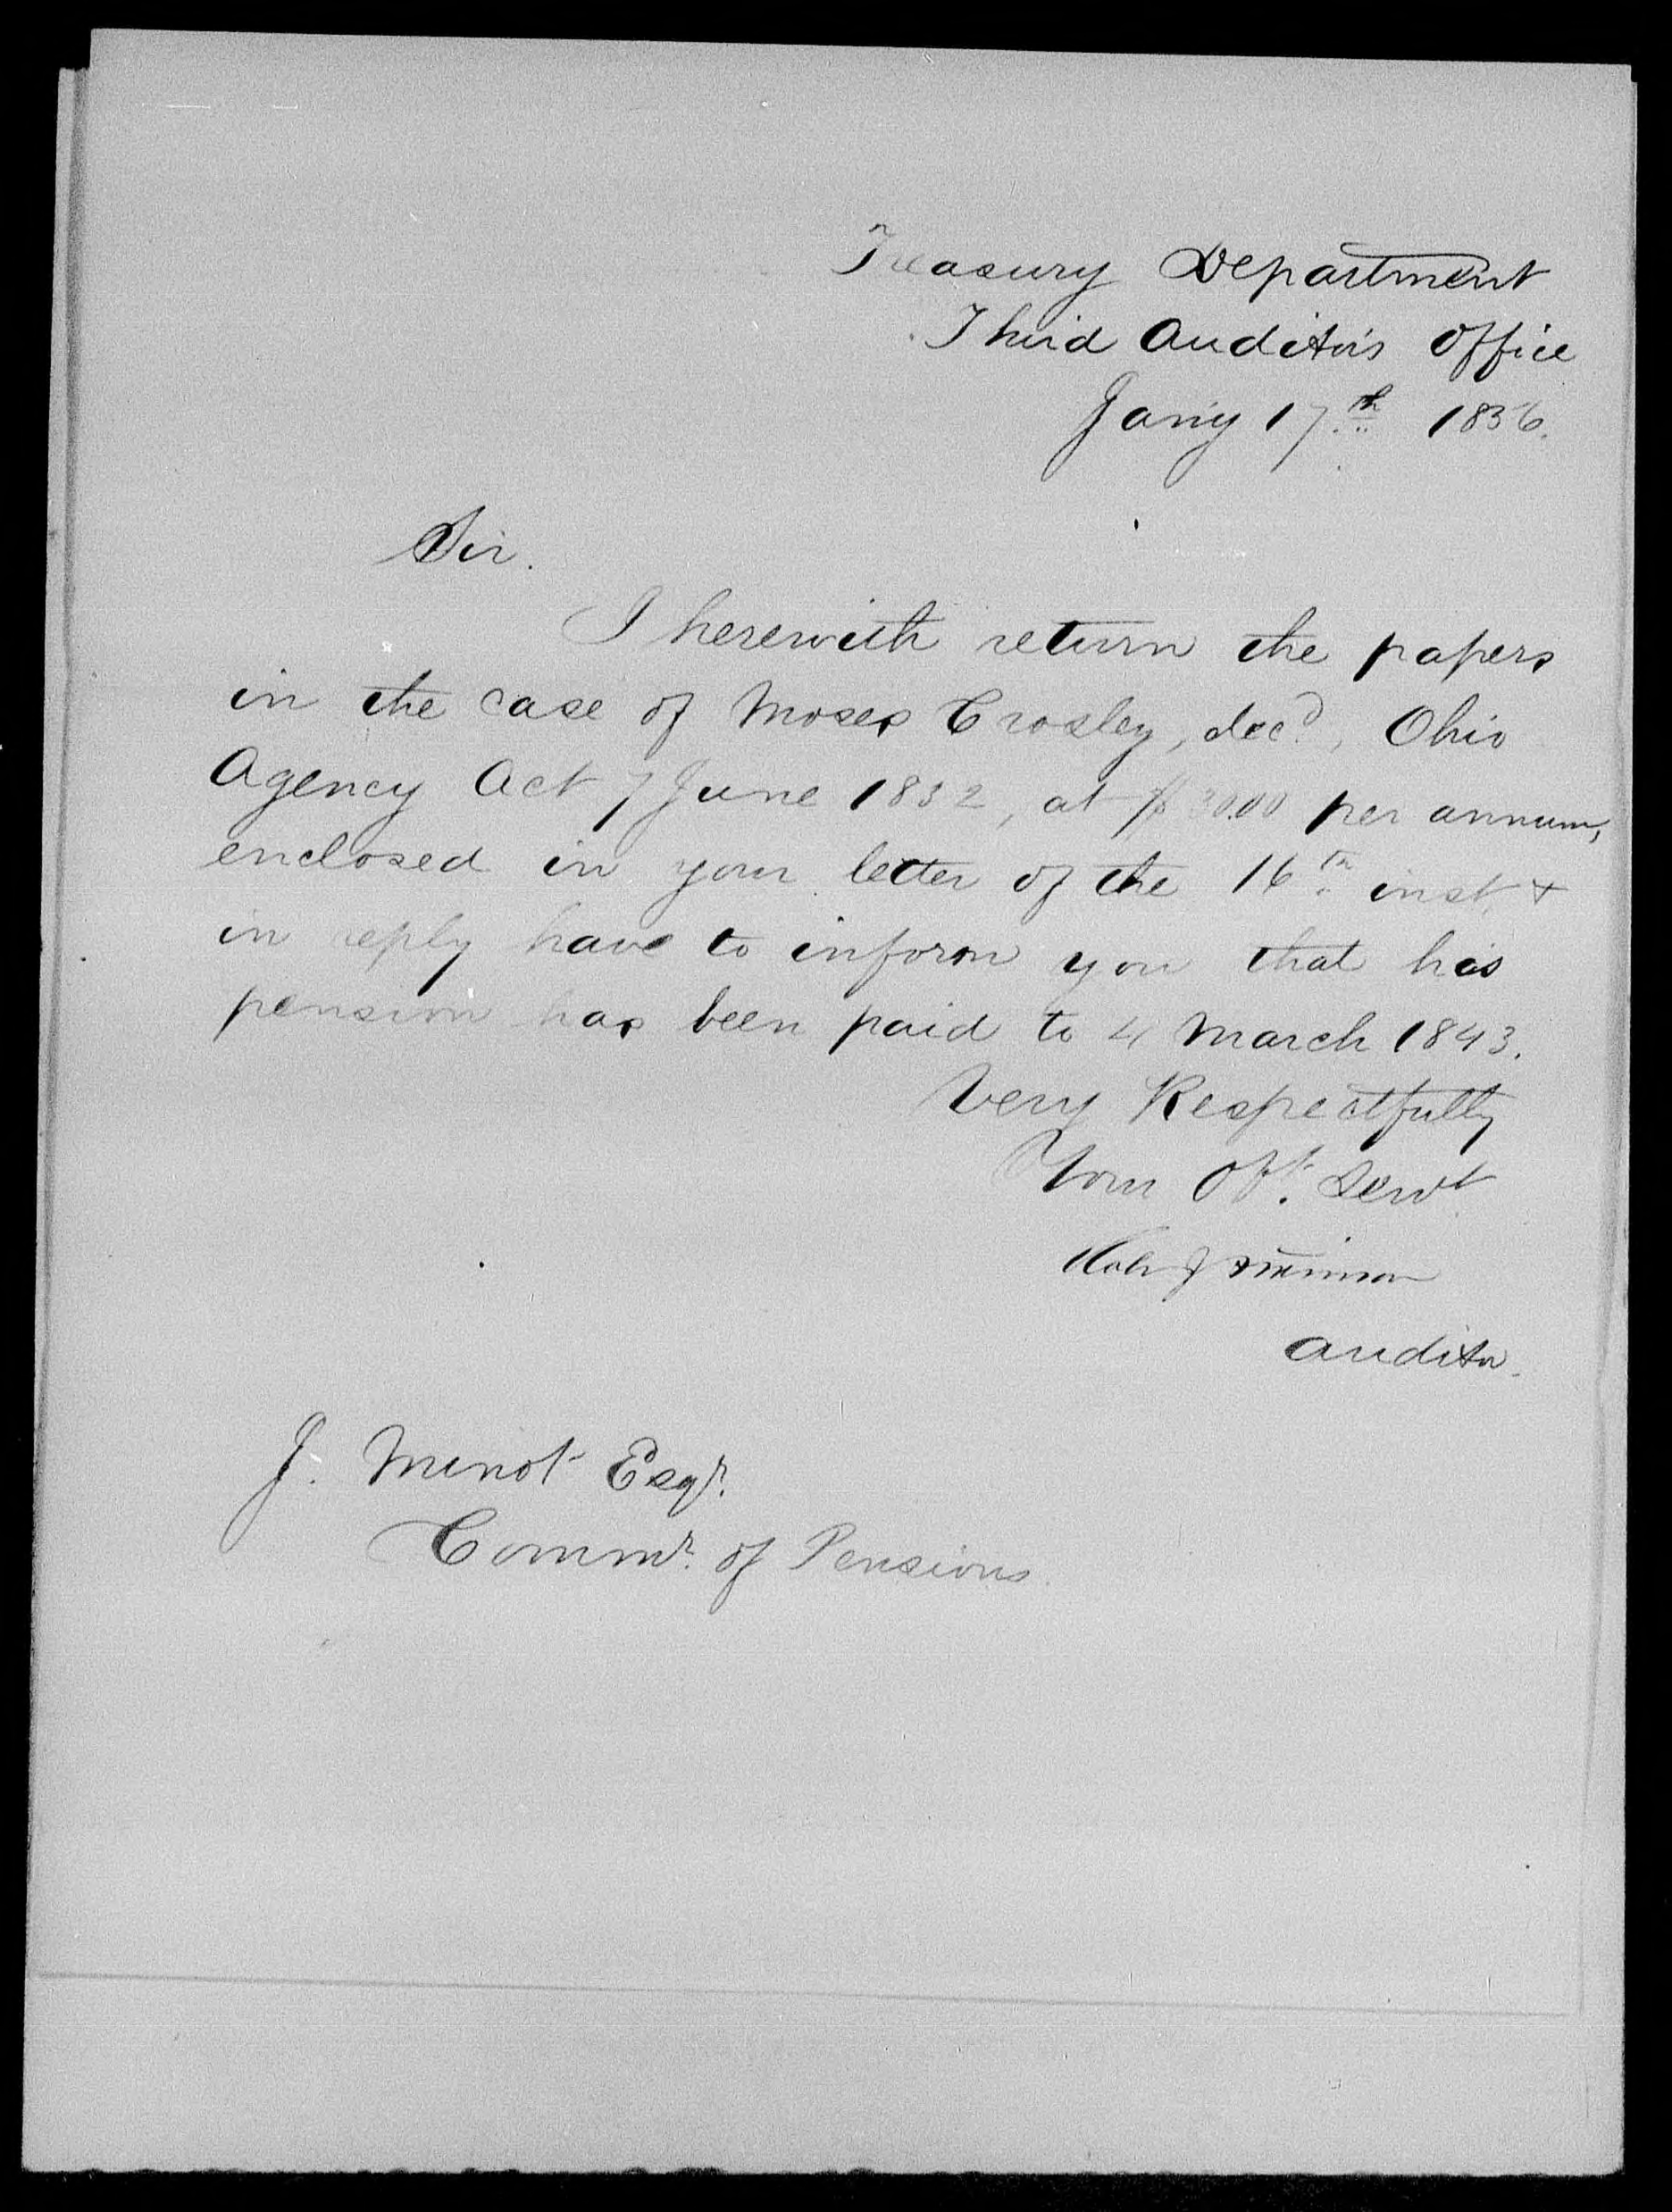Treasury Department
Third Auditor's Office
Jany 17th 1856.


Sir.
I herewith return the papers in the case of Moses Crosley, decd, Ohio Agency Act of June 1832, at $30.00 per annum, enclosed in your letter of the 16th inst. & in reply have to inform you that his pension has been paid to 4 March 1843.

Very Respectfully
Your Obt. Servt
[signature] Rob J Atkinson
Auditor

J. Minot Esqr.
Commr. of Pensions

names: Moses Crosley, J Minot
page: 32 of 37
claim: rejected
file: R. 2516, Moses Crosley, Md.